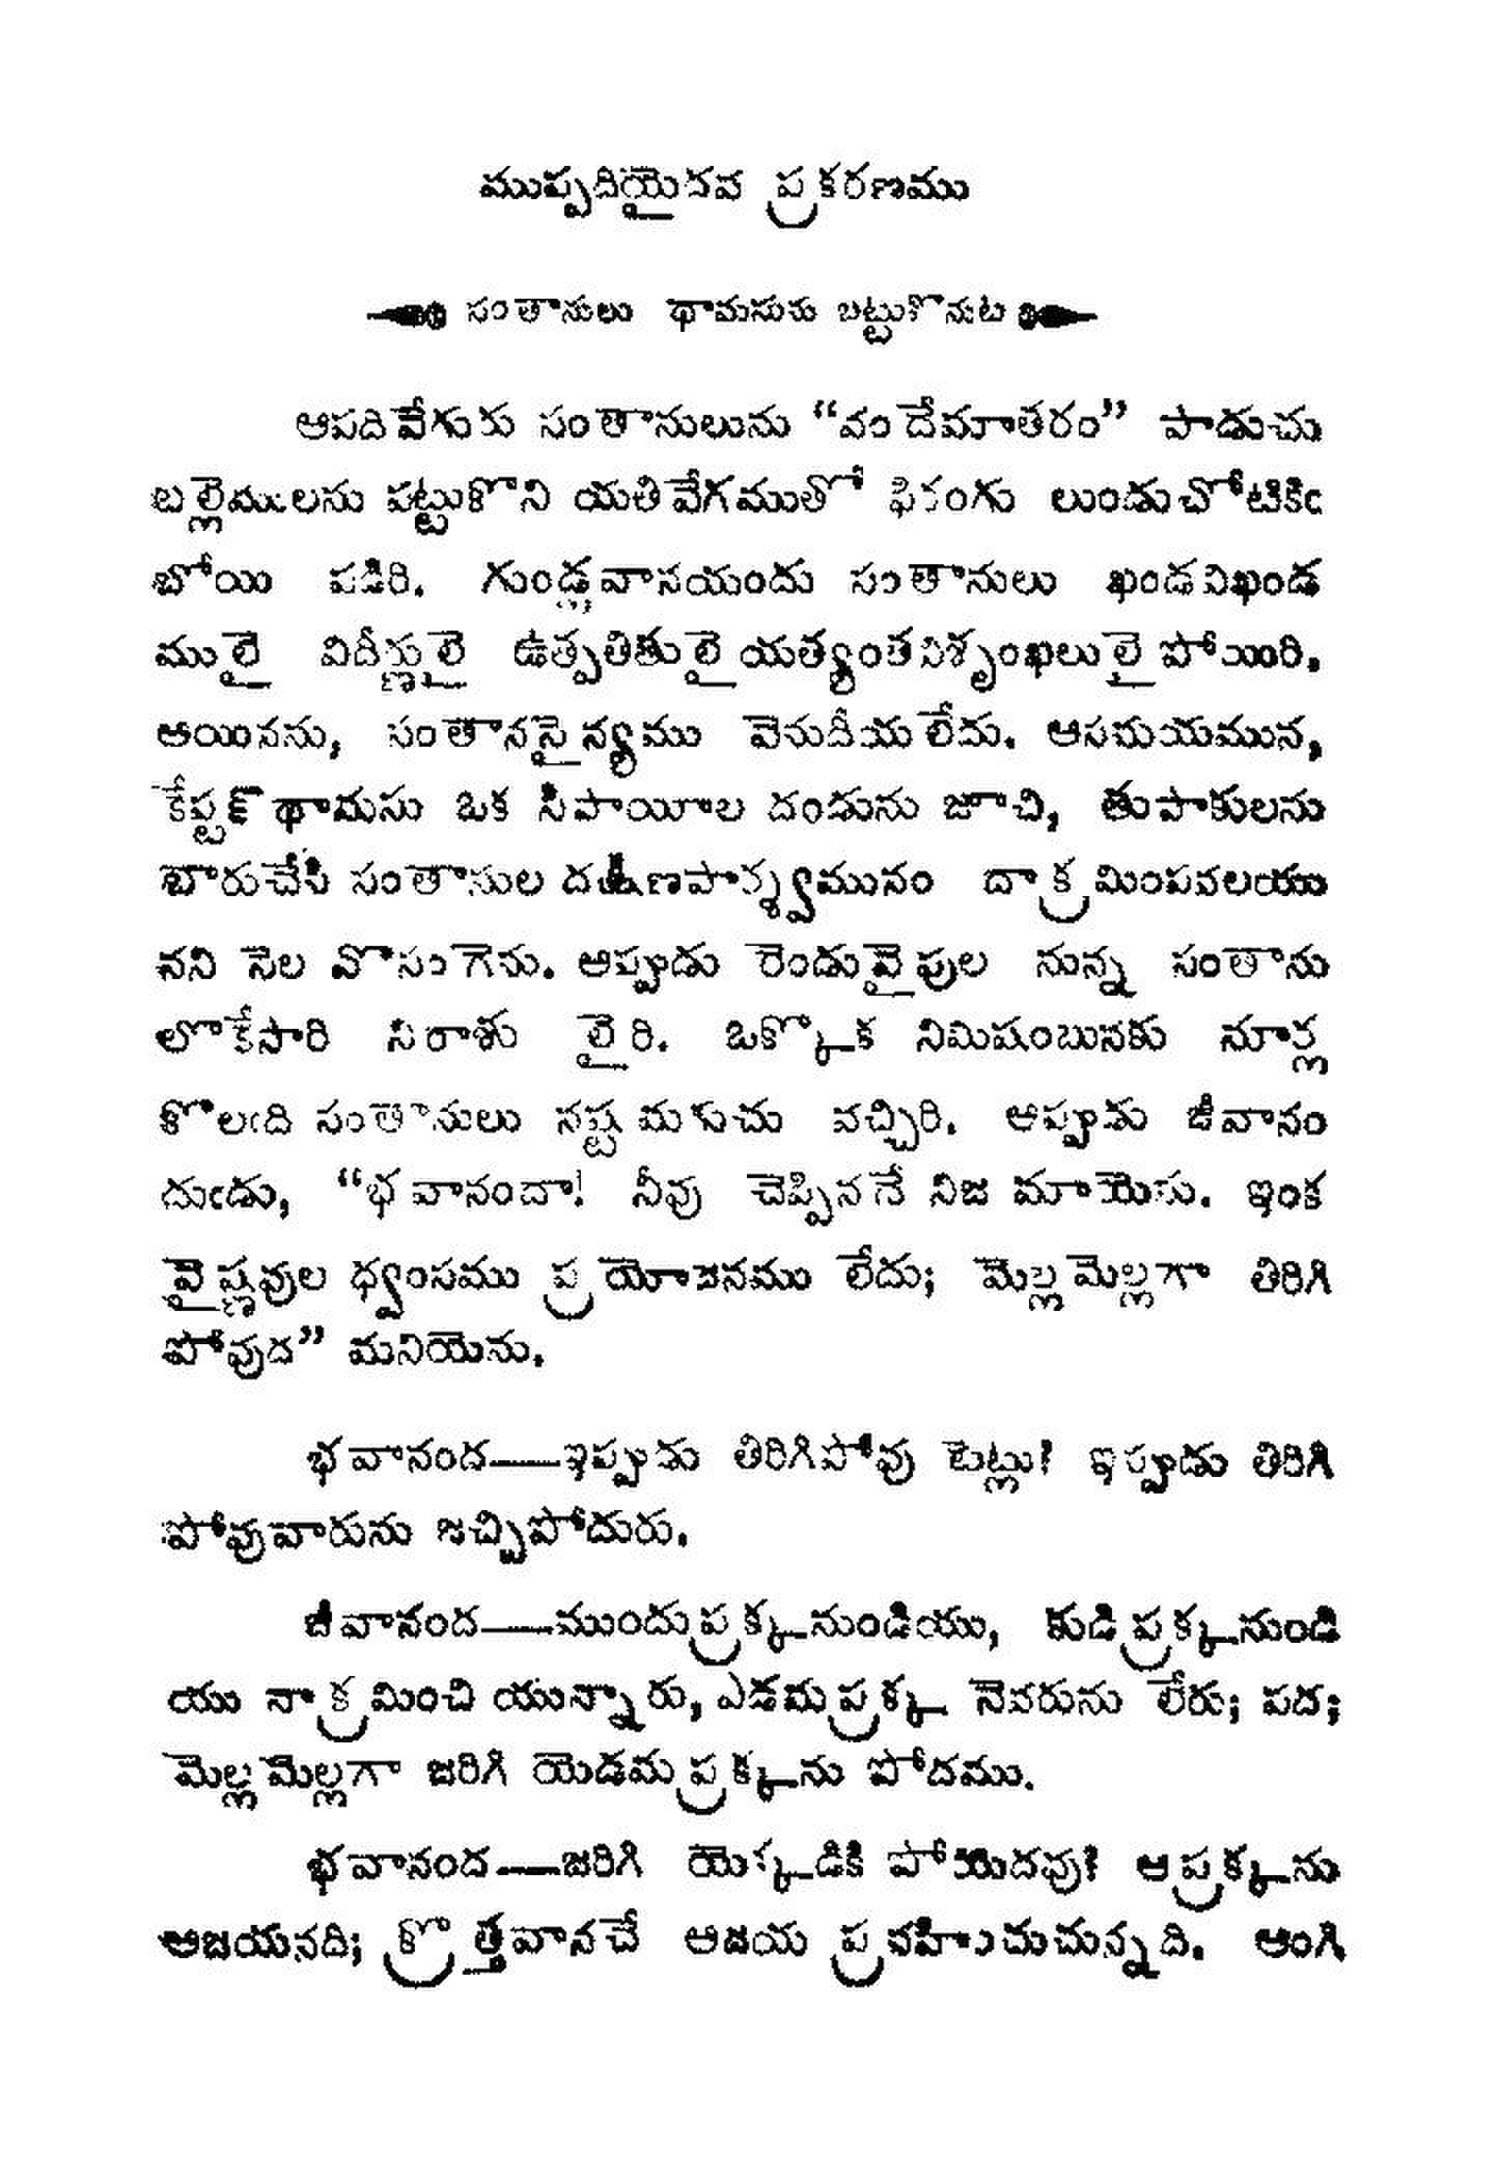ముప్పదియైదవ ప్రకరణము

సంతానులు థామసును బట్టుకొనుట

ఆపదివేగురు సంతానులును "వందేమాతరం” పాడుచు బల్లెములను పట్టుకొని యతి వేగముతో ఫిరంగు లుండుచోటికిఁ
బోయి పడిరి. గుండ్ల వానయందు సంతానులు ఖండ విఖండములై విదీర్ణులై ఉత్పతితులై యత్యంత విశృంఖలులై పోయిరి. అయినను, సంతాన సైన్యము వెనుదీయ లేదు. ఆసమయమున, కేష్ట౯ థామసు ఒక సిపాయీల దండును జూచి, తుపాకులను బారుచేసి సంతానుల దక్షిణపార్శ్వమునం దాక్రమింపవలయునని సెల వొసంగెను. అప్పుడు రెండు వైపుల నున్న సంతాను లొకేసారి నిరాశులైరి. ఒక్కోక నిమిషంబునకు నూర్ల కొలఁది సంతానులు నష్ట మగుచు వచ్చిరి. అప్పుడు జీవానందుఁడు, “భవానందా! నీవు చెప్పినదే నిజమాయెను. ఇంక వైష్ణవుల ధ్వంసము ప్రయోజనము లేదు; 'మెల్ల మెల్లగా తిరిగి పోవుద” మనియెను.

భవానంద——ఇప్పుడు తిరిగిపోవు టెట్లు! ఇప్పుడు తిరిగి పోవువారును జచ్చిపోదురు.

జీవానంద—— ముందు ప్రక్కనుండియు, కుడి ప్రక్కనుండియు నాక్రమించి యున్నారు, ఎడమప్రక్క నెవరును లేరు; పద;
మెల్ల మెల్లగా జరిగి యెడమ ప్రక్కను పోదము.

భవానంద—— జరిగి యెక్కడికి పోయెదవు? ఆ ప్రక్కను అజయనది; క్రొత్త వానచే అజయ ప్రవహించుచున్నది. ఆంగి